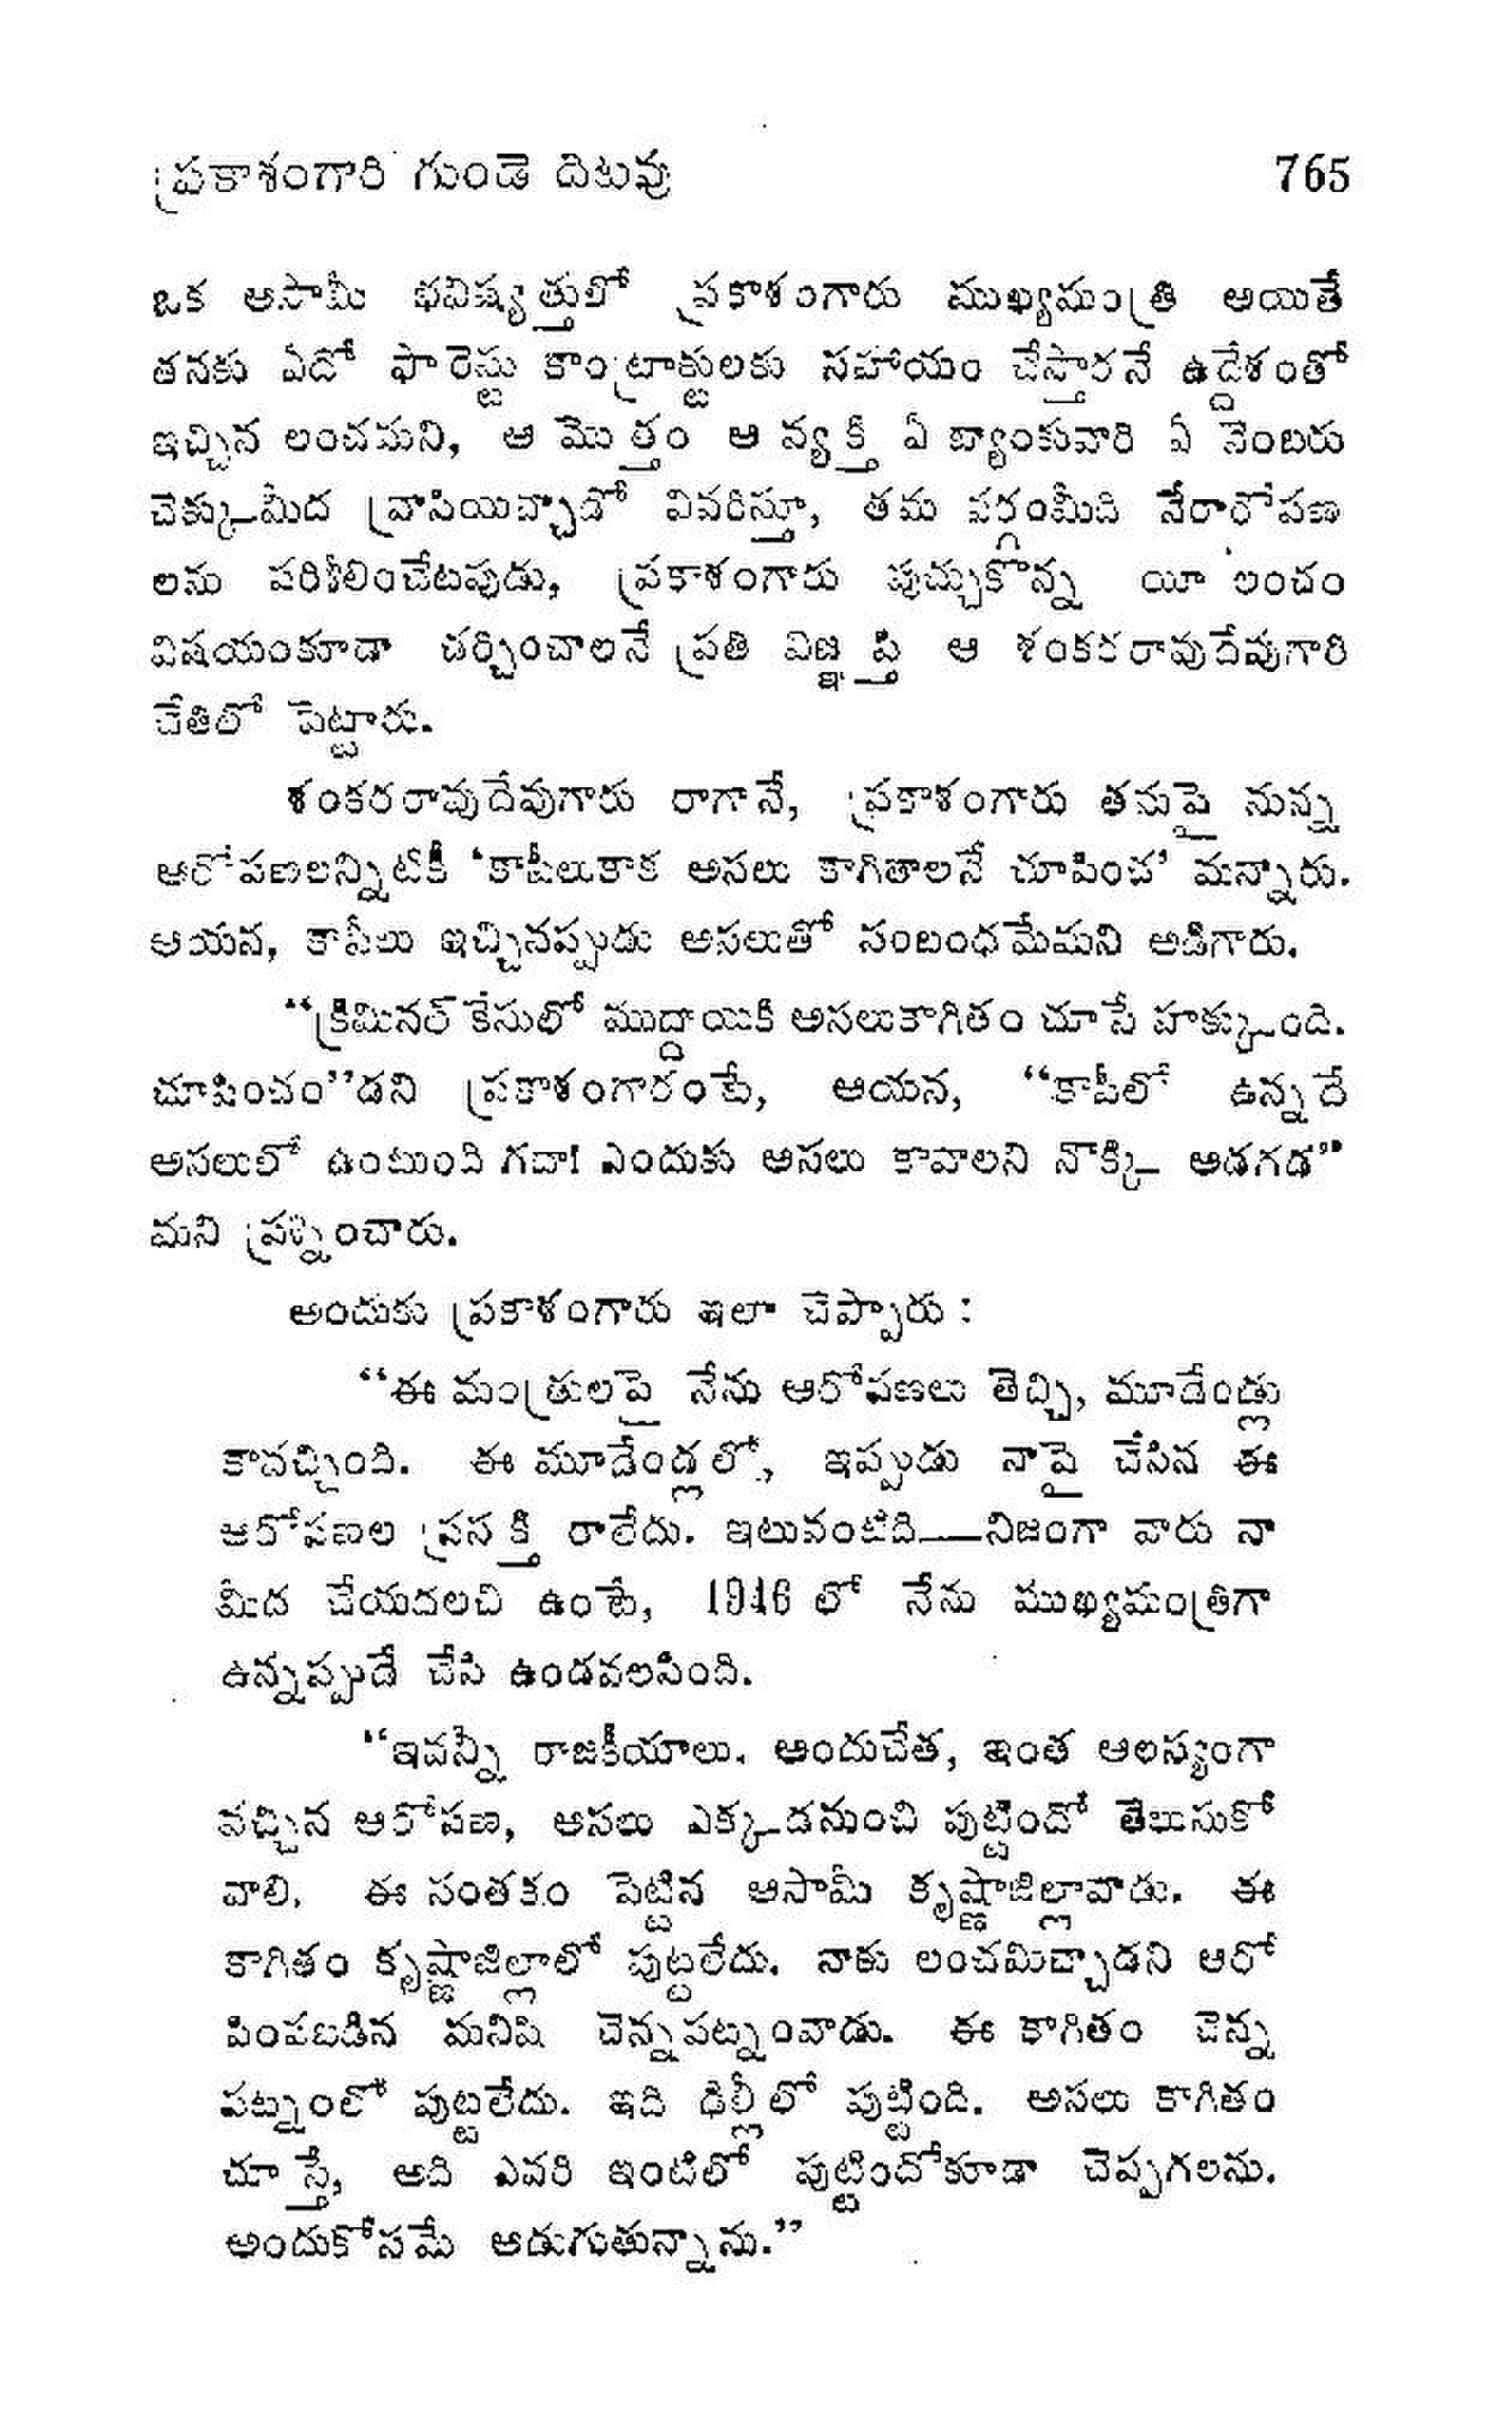ఒక ఆసామీ భవిష్యత్తులో ప్రకాశంగారు ముఖ్యమంత్రి అయితే తనకు ఏదో ఫారెస్టు కాంట్రాక్టులకు సహాయం చేస్తారనే ఉద్దేశంతో ఇచ్చిన లంచమని, ఆ మొత్తం ఆ వ్యక్తి ఏ బ్యాంకువారి ఏ నెంబరు చెక్కుమీద వ్రాసియిచ్చాడో వివరిస్తూ, తమ వర్గంమీది నేరారోపణలను పరిశీలించేటపుడు, ప్రకాశంగారు పుచ్చుకొన్న యీ లంచం విషయంకూడా చర్చించాలనే ప్రతి విజ్ఞప్తి ఆ శంకరరావుదేవుగారి చేతిలో పెట్టారు.

శంకరరావుదేవుగారు రాగానే, ప్రకాశంగారు తమపై నున్న ఆరోపణలన్నిటికీ 'కాపీలుకాక అసలు కాగితాలనే చూపించ' మన్నారు. ఆయన కాపీలు ఇచ్చినప్పుడు అసలుతో సంబంధమేమని అడిగారు.

"క్రిమినల్ కేసులో ముద్దాయికి అసలుకాగితం చూసే హక్కుంది. చూపించం"డని ప్రకాశంగారంటే, ఆయన, "కాపీలో ఉన్నదే అసలులో ఉంటుంది గదా! ఎందుకు అసలు కావాలని నొక్కి అడగడ"మని ప్రశ్నించారు.

అందుకు ప్రకాశంగారు ఇలా చెప్పారు:

"ఈ మంత్రులపై నేను ఆరోపణలు తెచ్చి, మూడేండ్లు కావచ్చింది. ఈ మూడేండ్లలో, ఇప్పుడు నాపై చేసిన ఈ ఆరోపణల ప్రసక్తి రాలేదు. ఇటువంటిది - నిజంగా వారు నా మీద చేయదలచి ఉంటే, 1946 లో నేను ముఖ్యమంత్రిగా ఉన్నప్పుడే చేసి ఉండవలసింది.

"ఇవన్నీ రాజకీయాలు. అందుచేత, ఇంత ఆలస్యంగా వచ్చిన ఆరోపణ, అసలు ఎక్కడనుంచి పుట్టిందో తెలుసుకోవాలి. ఈ సంతకం పెట్టిన ఆసామీ కృష్ణాజిల్లావాడు. ఈ కాగితం కృష్ణాజిల్లాలో పుట్టలేదు. నాకు లంచమిచ్చాడని ఆరోపింపబడిన మనిషి చెన్నపట్నంవాడు. ఈ కాగితం చెన్నపట్నంలో పుట్టలేదు. ఇది ఢిల్లిలో పుట్టింది. అసలు కాగితం చూస్తే, అది ఎవరి ఇంటిలో పుట్టిందోకూడా చెప్పగలను. అందుకోసమే అడుగుతున్నాను."